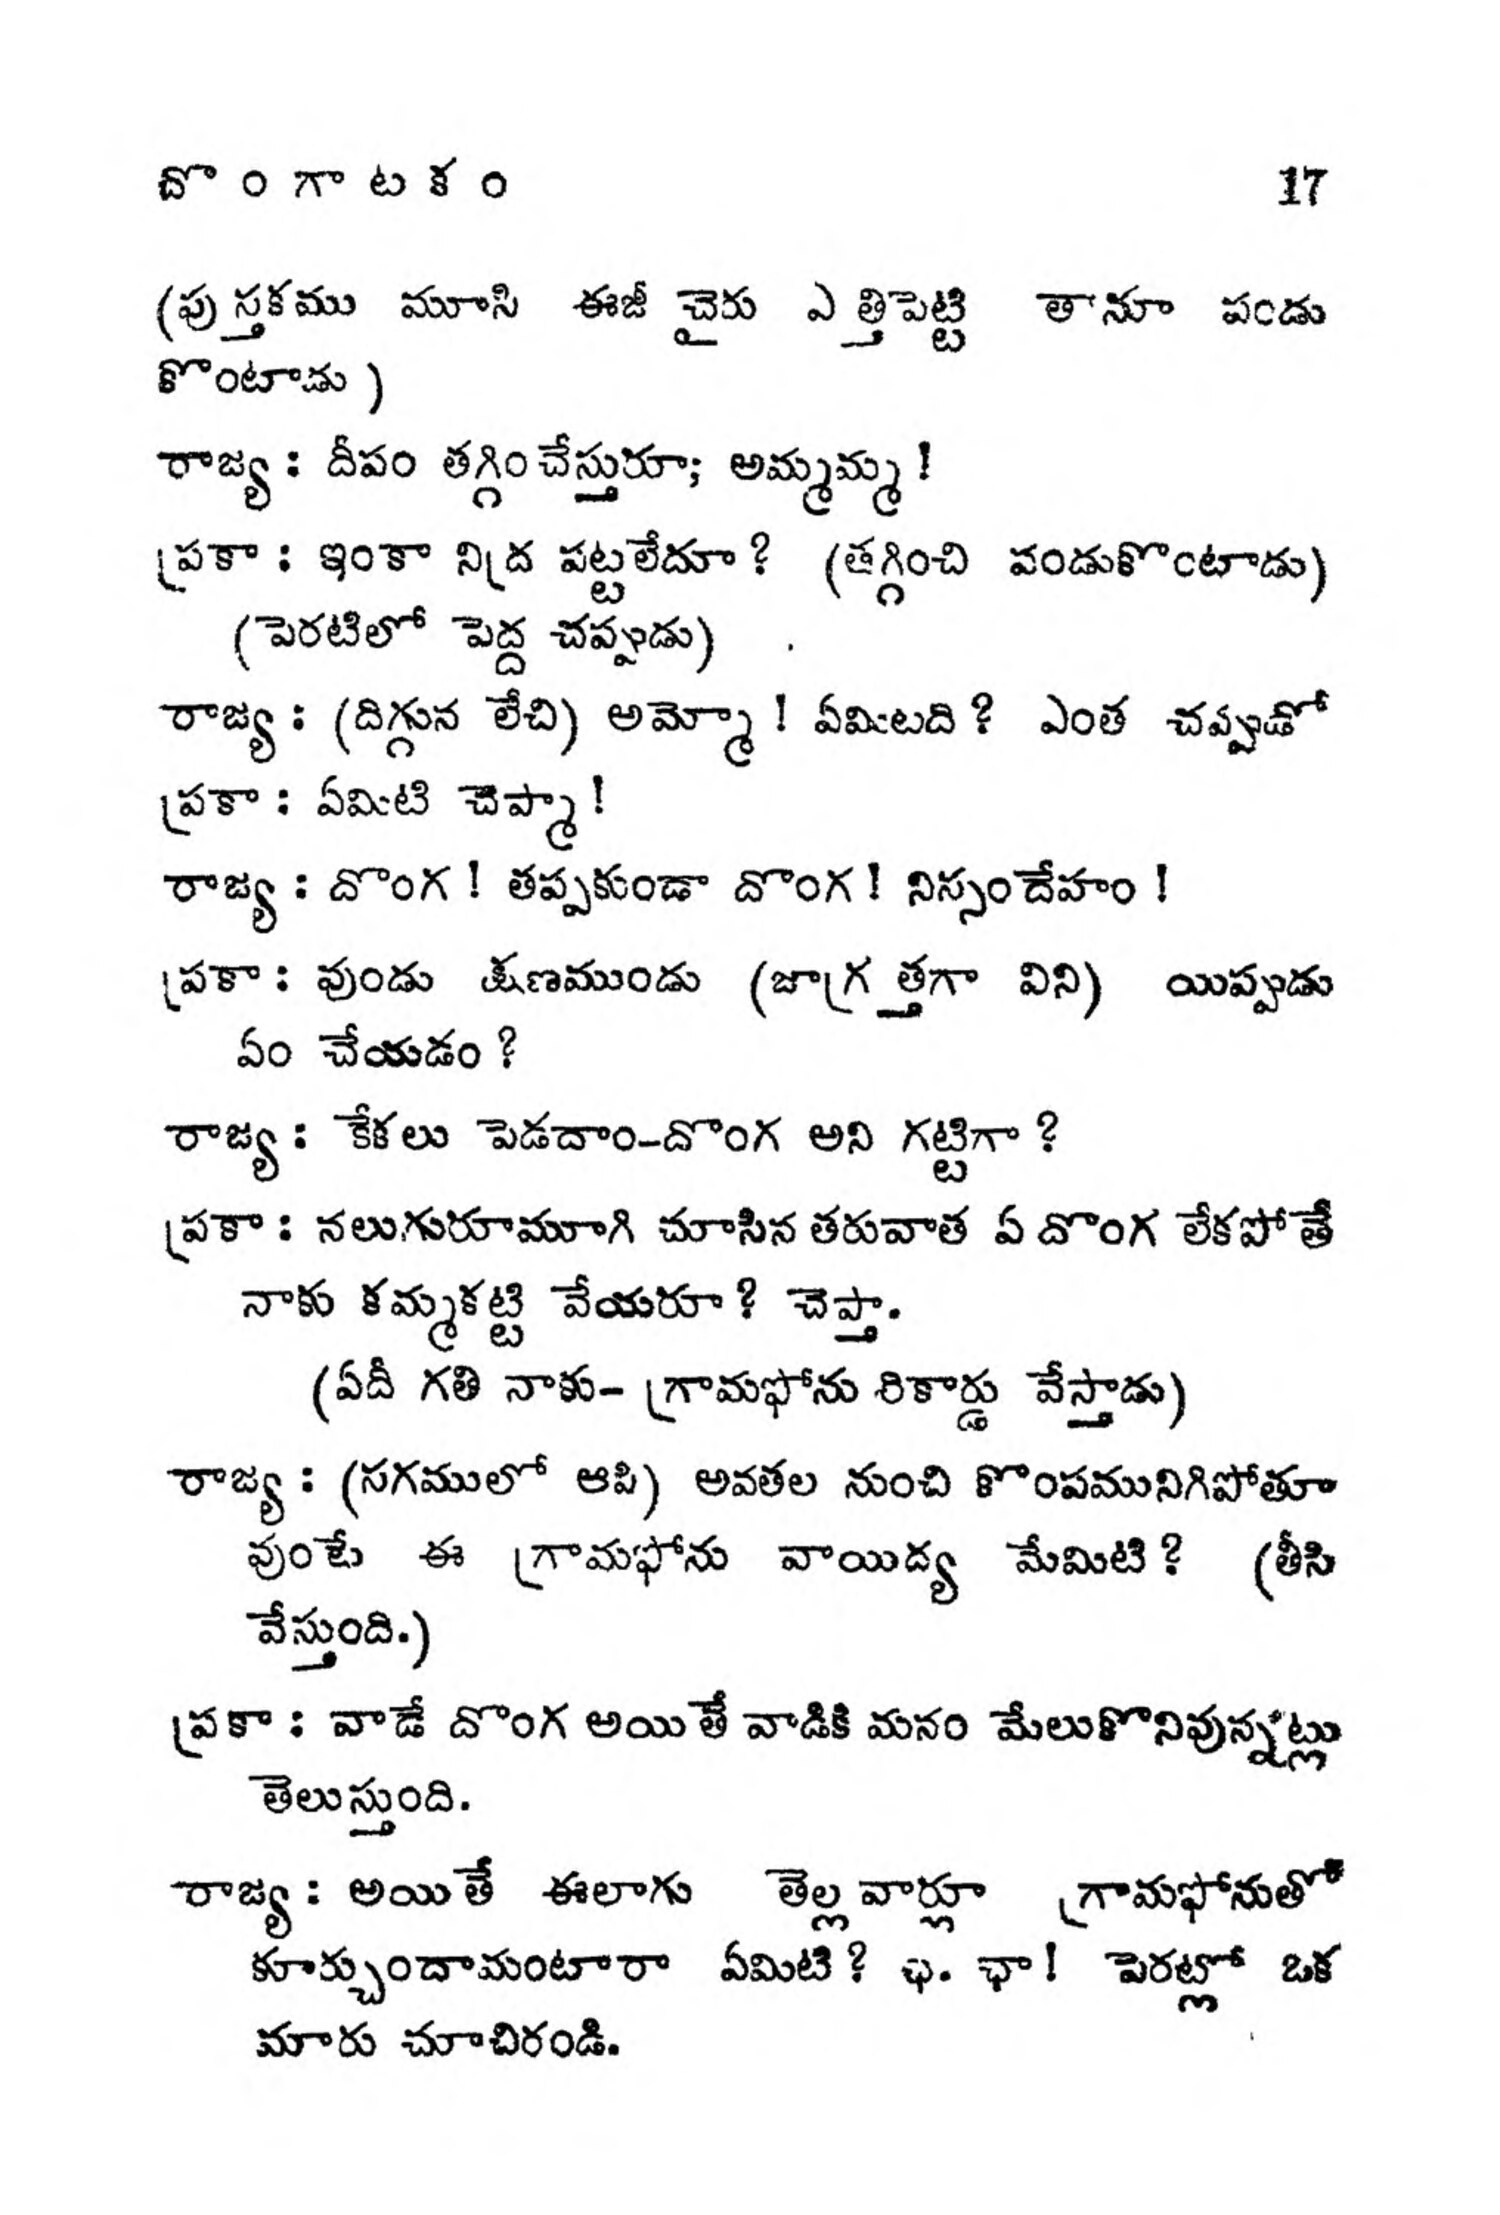(పుస్తకము మూసి ఈజీ చైరు ఎత్తిపెట్టి తానూ పండుకొంటాడు)

రాజ్య : దీపం తగ్గించేస్తురూ; అమ్మమ్మ!

ప్రకా : ఇంకా నిద్ర పట్టలేదూ? (తగ్గించి పండుకొంటాడు) (పెరటిలో పెద్ద చప్పుడు)

రాజ్య : (దిగ్గున లేచి) అమ్మో! ఏమిటది? ఎంత చప్పుడో

ప్రకా : ఏమిటి చెప్మా!

రాజ్య : దొంగ! తప్పకుండా దొంగ! నిస్సందేహం!

ప్రకా : వుండు క్షణముండు (జాగ్రత్తగా విని) యిప్పుడు ఏం చేయడం ?

రాజ్య : కేకలు పెడదాం—దొంగ అని గట్టిగా?

ప్రకా : నలుగురూమూగి చూసిన తరువాత ఏ దొంగ లేకపోతే నాకు కమ్మకట్టి వేయరూ? చెప్తా.

రాజ్య : (సగములో ఆపి) అవతల నుంచి కొంపమునిగిపోతూ వుంటే ఈ గ్రామఫోను వాయిద్య మేమిటి? తీసి వేస్తుంది.)

ప్రకా : వాడే దొంగ అయితే వాడికి మనం మేలుకొనివున్నట్లు తెలుస్తుంది.

రాజ్య : అయితే ఈలాగు తెల్లవార్లూ గ్రామఫోనుతో కూర్చుందామంటారా ఏమిటి? ఛ. ఛా! పెరట్లో ఒకమారు చూచిరండి.